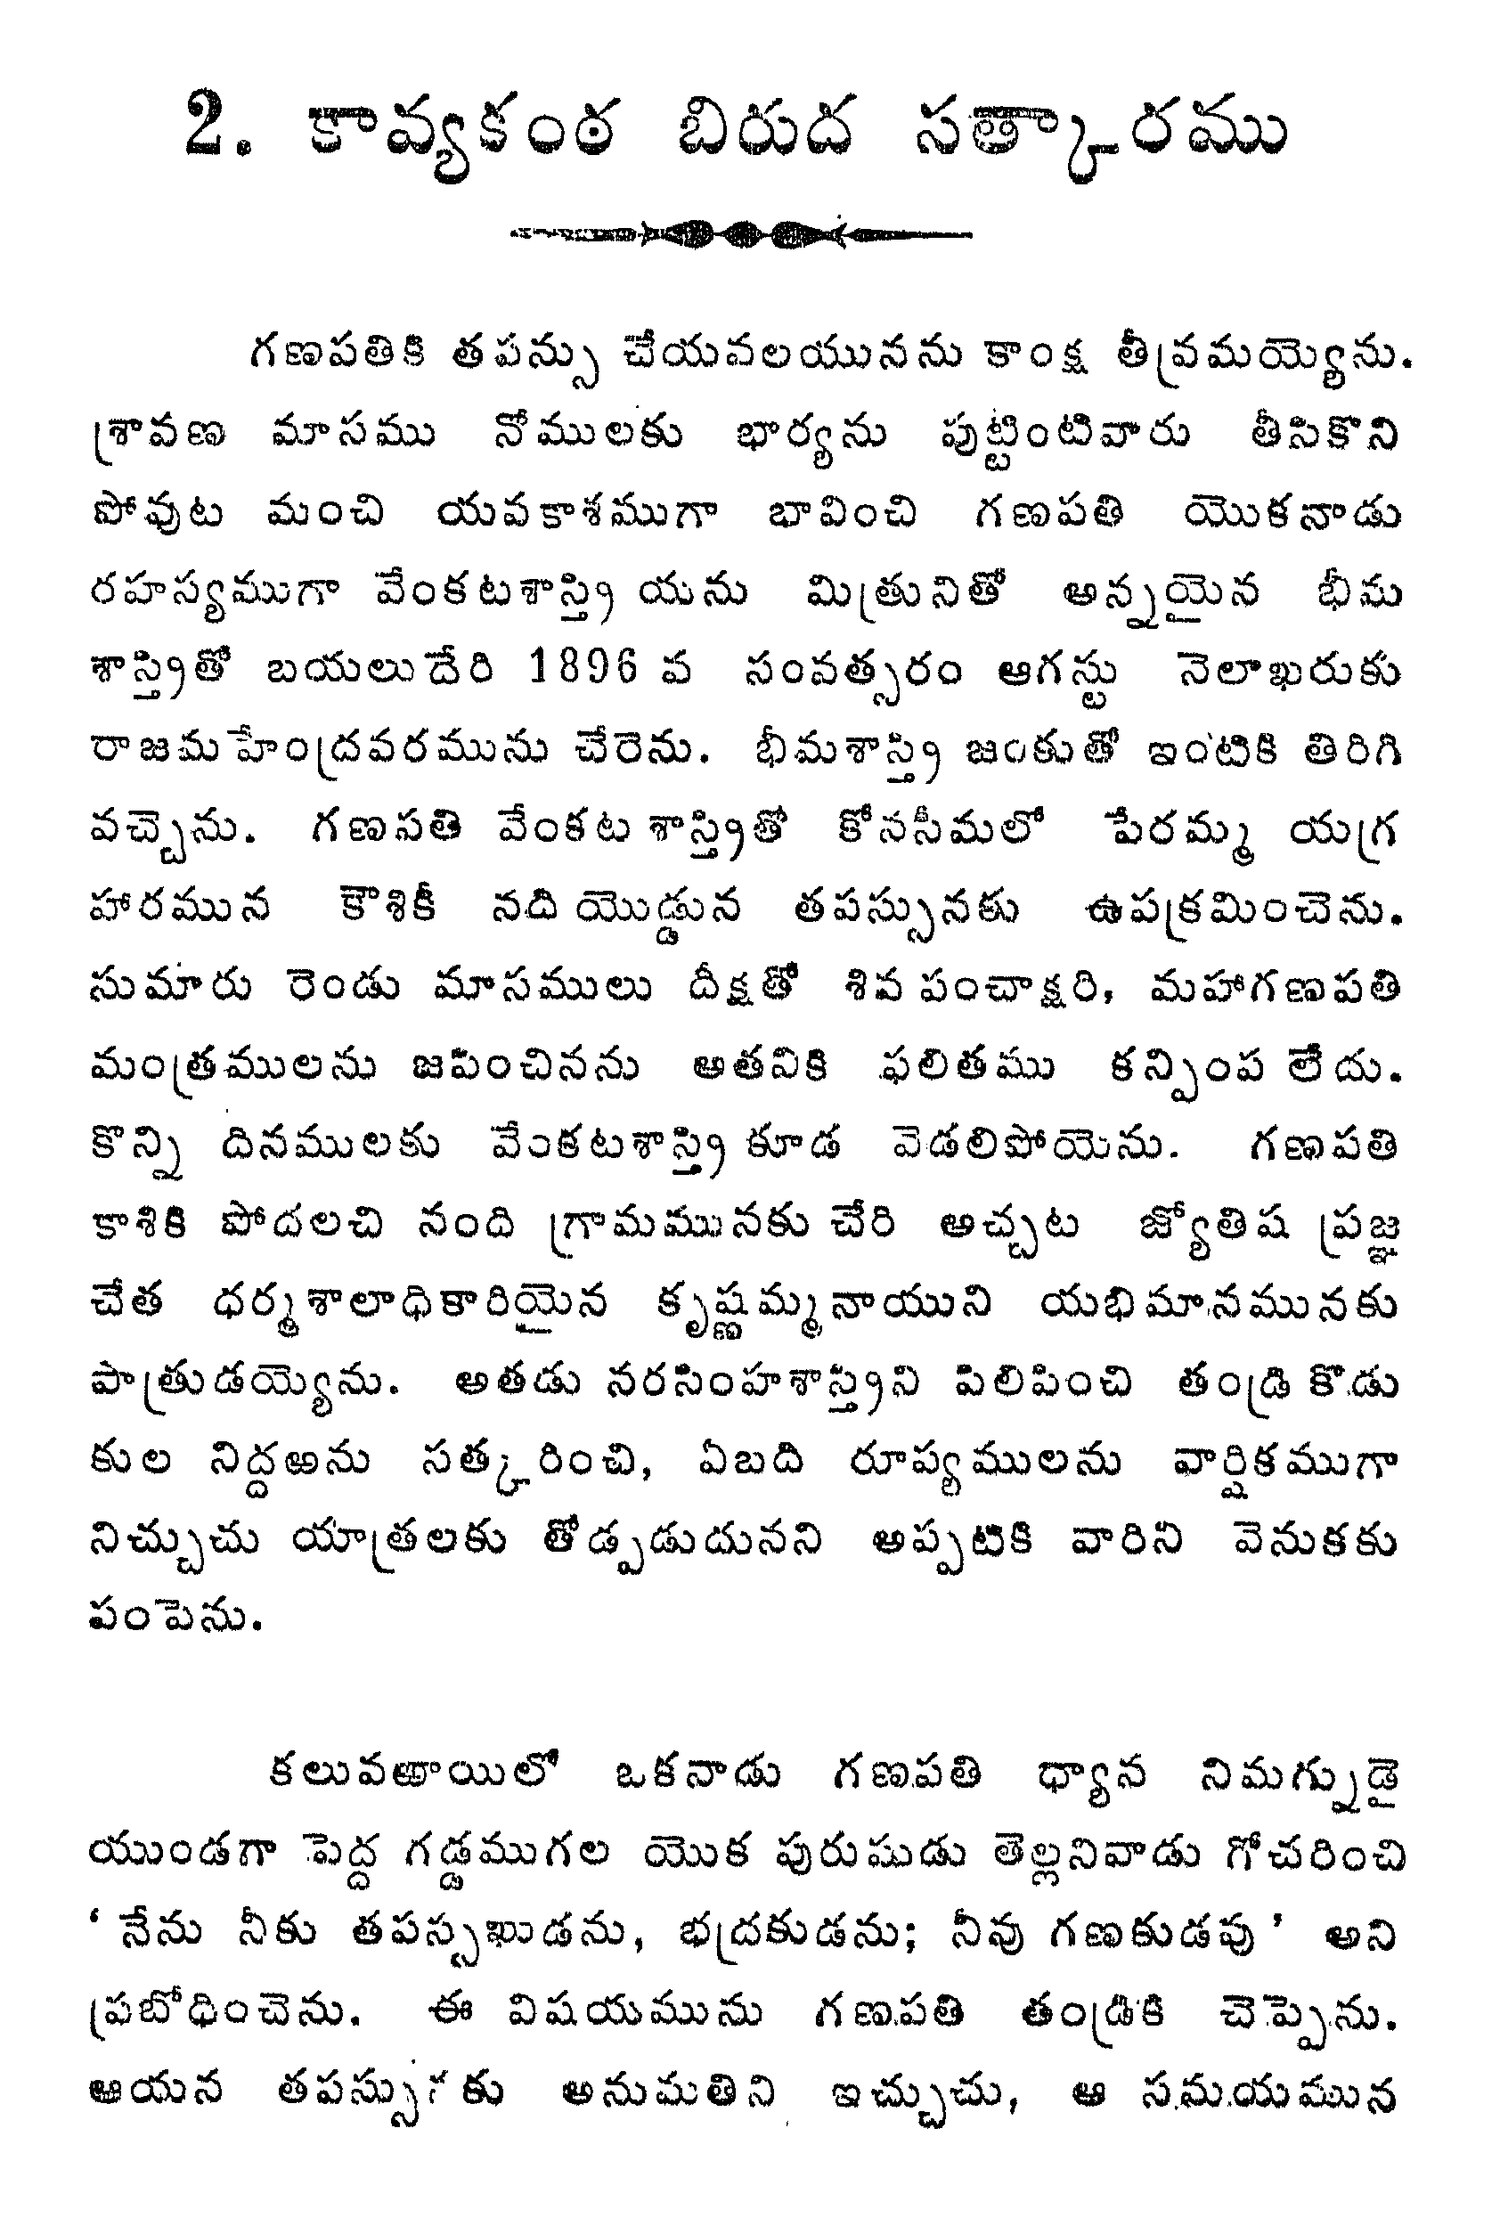గణపతికి తపస్సు చేయవలయునను కాంక్ష తీవ్రమయ్యెను. శ్రావణ మాసము నోములకు భార్యను పుట్టింటివారు తీసికొని పోవుట మంచి యవకాశముగా భావించి గణపతి యొకనాడు రహస్యముగా వేంకటశాస్త్రియను మిత్రునితో అన్నయైన భీమశాస్త్రితో బయలుదేరి 1896 వ సంవత్సరము ఆగష్టు నెలాఖరుకు రాజమహేంద్రవరమును చేరెను. భీమశాస్త్రి జంకుతో ఇంటికి తిరిగి వచ్చెను. గణపతి వేంకట శాస్త్రితో కోనసీమలో పేరమ్మ యగ్రహారమున కౌశికి నది యొడ్డున తపస్సునకు ఉపక్రమించెను. సుమారు రెండు మాసములు దీక్షతో శివ పంచాక్షరి, మహాగణపతి మంత్రములను జపించినను అతనికి ఫలితము కన్పించలేదు. కొన్ని దినములకు వేంకటశాస్త్రి కూడ వెడలిపోయెను. గణపతి కాశికి పోదలచి నంది గ్రామమునకు చేరి అచ్చట జ్యోతిష ప్రజ్ఞ చేత ధర్మశాలాధికారియైన కృష్ణమ్మనాయుని యభిమానమునకు పాత్రుడయ్యెను. అతడు నరసింహశాస్త్రిని పిలిపించి తండ్రి కొడుకుల నిద్దఱను సత్కరించి, ఏబది రూప్యములను వార్షికముగా నిచ్చుచు యాత్రలకు తోడ్పడుదునని అప్పటికి వారిని వెనుకకు పంపెను.

కలువఱాయిలో ఒక నాడు గణపతి ధ్యాన నిమగ్నుడై యుండగా పెద్ద గడ్డముగల యొక పురుషుడు తెల్లనివాడు గోచరించి 'నేను నీకు తపస్సఖుడను, భద్రకుడను; నీవు గణకుడవు' అని ప్రబోదించెను. ఈ విషయమును గణపతి తండ్రికి చెప్పెను. ఆయన తపస్సునకు అనుమతిని ఇచ్చుచు, ఆ సమయమున